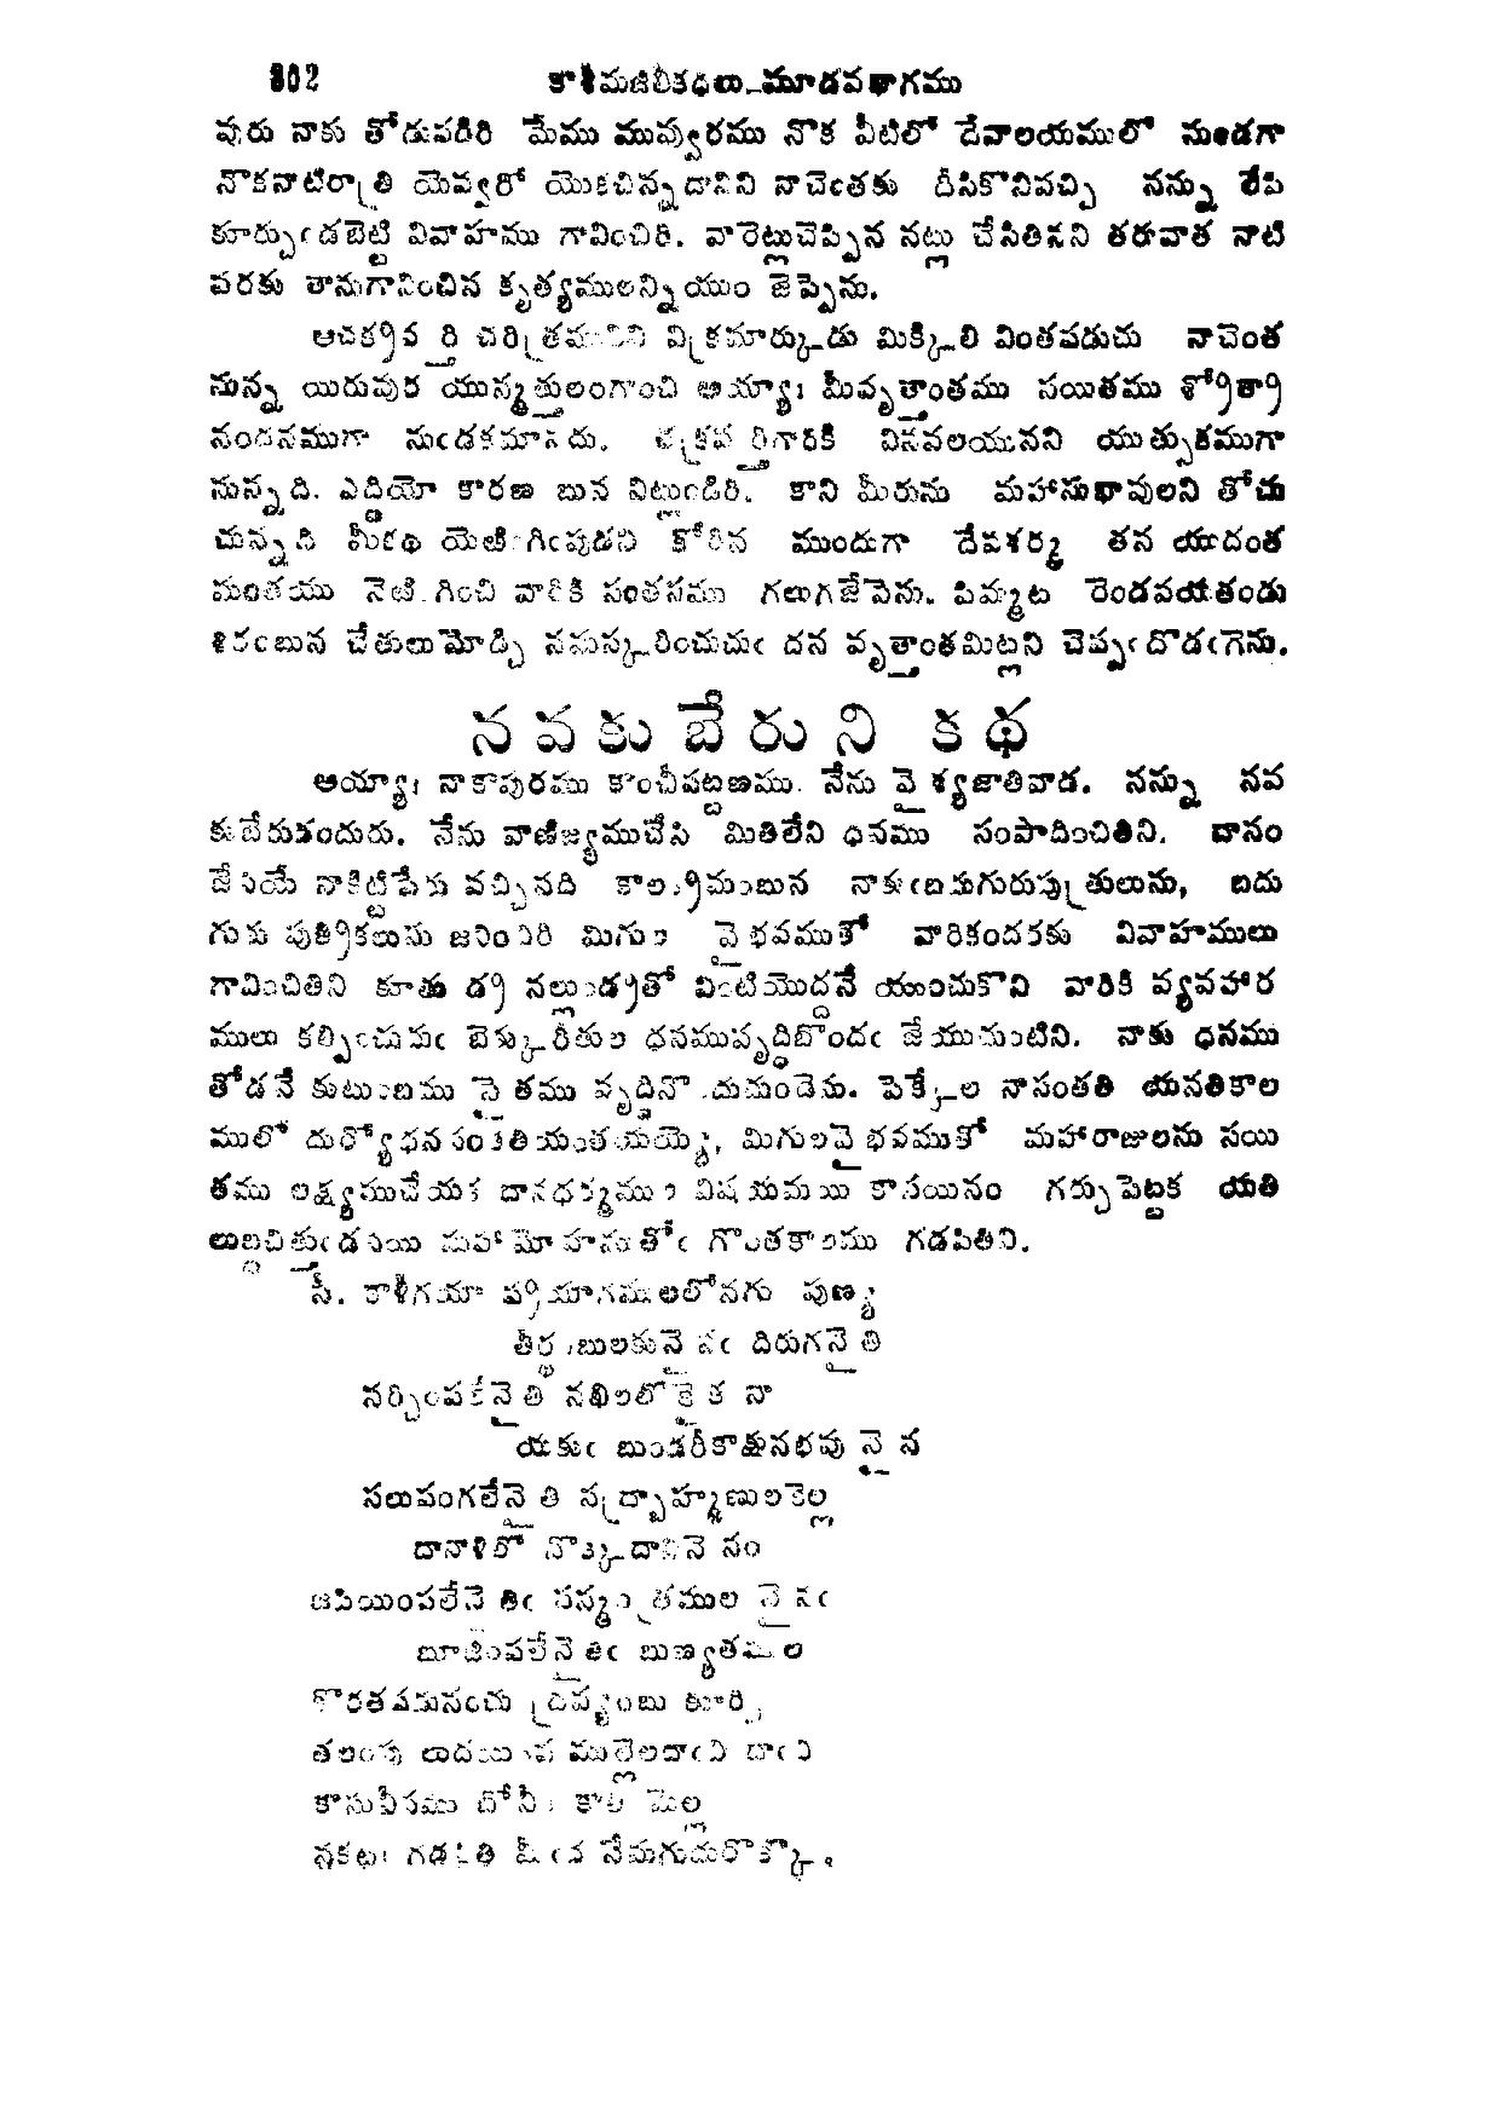వురు నాకు తోడుపడిరి మేము మువ్వురము నొక వీటిలో దేవాలయములో నుండగా నొకనాటిరాత్రి యెవ్వరో యొకచిన్నదానిని నాచెంతకు దీసికొనివచ్చి నన్ను లేపి కూర్చుండబెట్టి వివాహము గావించిరి. వారెట్లుచెప్పిన నట్లు చేసితినని తరువాత నాటివరకు తానుగావించిన కృత్యములన్నియుం జెప్పెను.

ఆచక్రవర్తి చరిత్రమువిని విక్రమార్కుడు మిక్కిలి వింతపడుచు నాచెంత నున్న యిరువుర యున్మత్తులంగాంచి అయ్యా, మీవృత్తాంతము సయితము శ్రోత్రానందనముగా నుండకమానదు. చక్రవర్తిగారికి వినవలయునని యుత్సుకముగా నున్నది. ఎద్దియో కారణంబున నిట్లుండిరి. కాని మీరును మహానుభావులని తోచుచున్నది మీకథ యెఱింగింపుడని కోరిన ముందుగా దేవశర్మ తన యదంత మంతయు నెఱింగించి వారికి సంతసము గలుగజేసెను. పిమ్మట రెండవయతండు
శిరంబున చేతులుమోడ్చి నమస్కరించుచుఁ దన వృత్తాంత మిట్లని చెప్పఁదొడఁగెను.

నవకుబేరుని కథ

అయ్యా! నాకాపురము కాంచీపట్టణము. నేను వైశ్యజాతివాడ. నన్ను నవకుబేరుడందురు. నేను వాణిజ్యముచేసి మితిలేని ధనము సంపాదించితిని. దానం జేసియే నాకిట్టిపేరు వచ్చినది కాలక్రమంబున నాకుఁ బదుగురుపుత్రులును, బదుగురు పుత్రికలును జనించిరి మిగుల వైభవముతో వారికందరకు వివాహములు గావించితిని కూతుండ్ర నల్లుండ్రతో నింటియొద్దనే యుంచుకొని వారికి వ్యవహారములు కల్పించుచుఁ బెక్కురీతుల ధనము వృద్ధిబొందఁ జేయుచుంటిని. నాకు ధనముతోడనే కుటుంబము సైతము వృద్ధినొందుచుండెను. పెక్కేల నాసంతతి యనతికాలములో దుర్యోధనసంతతి యంత యయ్యె, మిగులవైభవముతో మహారాజులను సయితము లక్ష్యముచేయక దానధర్మముల
విషయమయి కాసయినం గర్చుపెట్టక యతిలుబ్దచిత్తుఁడనయి మహామోహముతోఁ గొంతకాలము గడపితిని.

సీ. కాశీగయా ప్రయాగములలోనగు పుణ్య
 తీర్థంబులకునైనఁ దిరుగనైతి
 నర్చింపలేనైతి నఖిలలోకైకనా
 యకుఁ బుండరీకాక్షునభవు నైన
 సలుపంగలేనై తి సద్బ్రాహ్మణుల కెల్ల
 దానాళిలొ నొక్కదానినైనఁ
 జపియింపలేనైతిఁ సన్మంత్రముల నైనఁ
 బూజింపలేనైతిఁ బుణ్యతముల
గీ. కొరతవడునంచు ద్రవ్యంబు కూర్చి
 తలఁపు లుదయింప ముల్లెలదాఁచి దాఁచి
 కాసువీసము బోనీక కాల మెల్ల
 నకటఁ గడపితి మీఁద నేమగుదురొక్కొ .